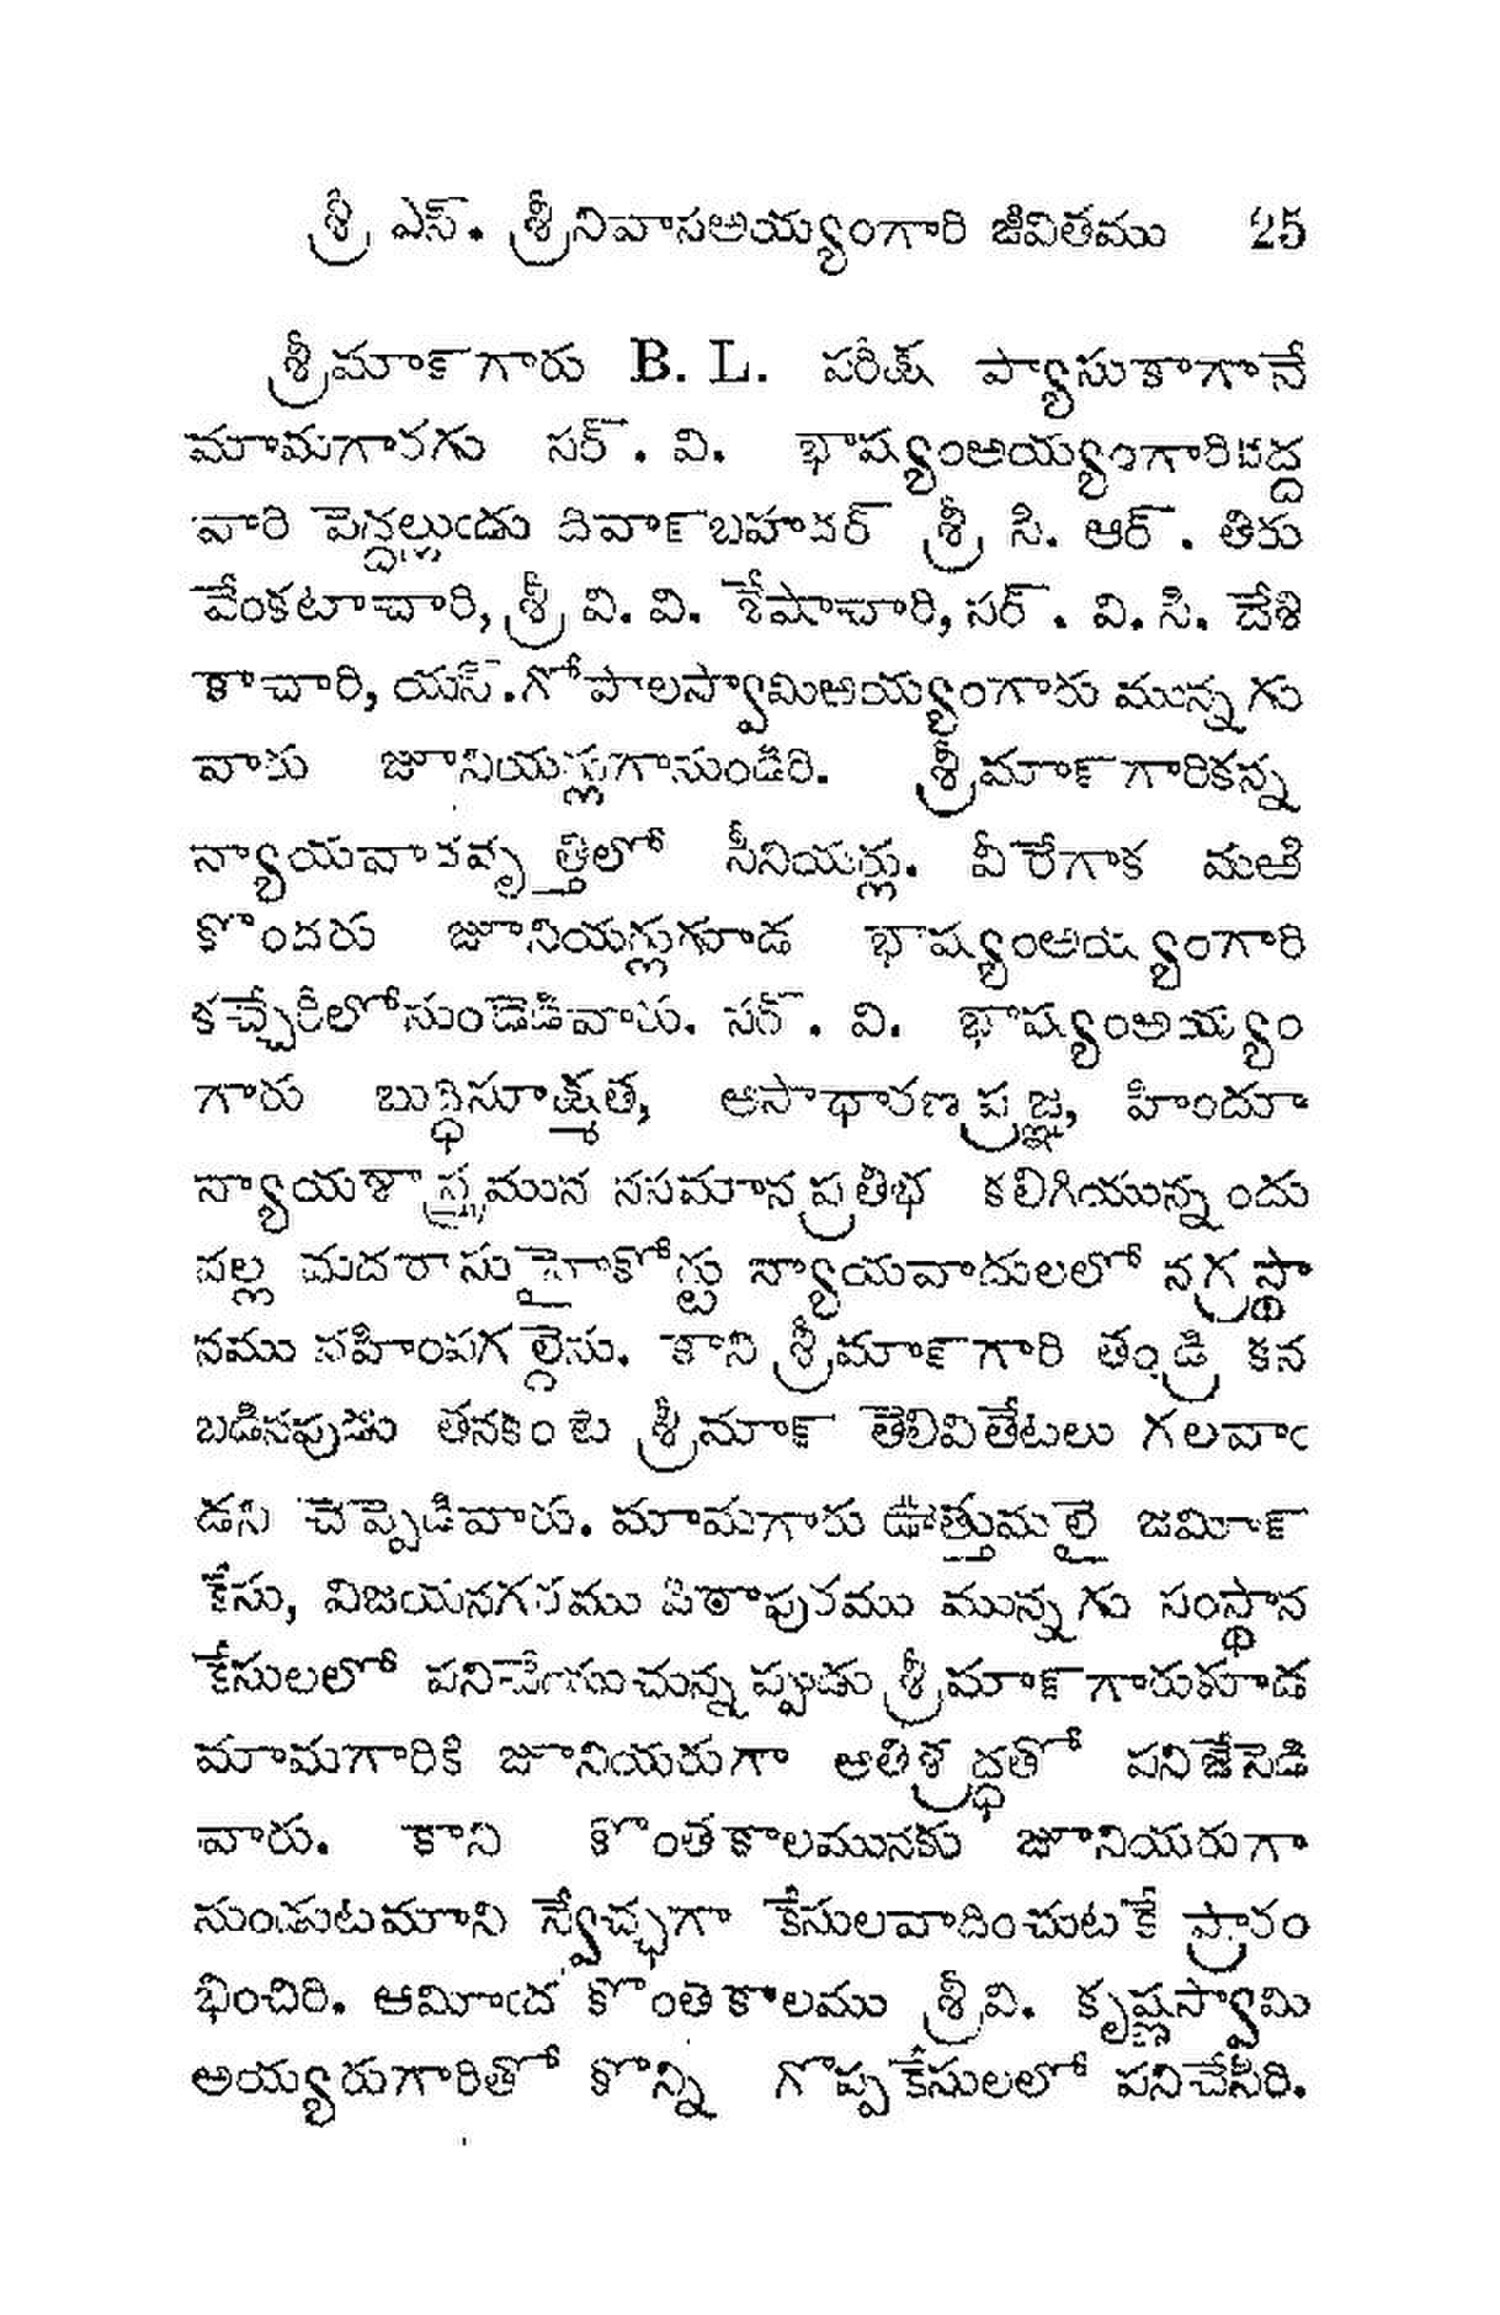శ్రీమా౯గారు B. L. పరీక్ష ప్యాసుకాగానే మామగారగు సర్. వి. భాష్యంఅయ్యంగారివద్ద వారి పెద్దల్లుఁడు దివా౯బహదర్ శ్రీ సి. ఆర్. తిరువేంకటాచారి, శ్రీ వి. వి. శేషాచారి, సర్, వి. సి. దేశికాచారి, యస్. గోపాలస్వామిఅయ్యంగారు మున్నగువారు జూనియర్లుగానుండిరి. శ్రీమా౯ గారికన్న న్యాయవాదవృత్తిలో సీనియర్లు. వీరేగాక మఱి కొందరు జూనియర్లుగూడ భాష్యంఅయ్యంగారి కచ్చేరీలోనుండెడివారు. సర్. వి. భాష్యంఅయ్యంగారు బుద్ధిసూక్ష్మత, అసాధారణప్రజ్ఞ, హిందూ న్యాయశాస్త్రమున ససమానప్రతిభ కలిగియున్నందువల్ల మదరాసుహైకోర్టు న్యాయవాదులలో నగ్రస్థానము వహింపగల్గెను. కాని శ్రీమా౯గారి తండ్రి కనబడినపుడు తనకంటె శ్రీమా౯ తెలివితేటలు గలవాఁడని చెప్పెడివారు. మామగారు ఊత్తుమలై జమీ౯కేసు, విజయనగరము పిఠాపురము మున్నగు సంస్థానకేసులలో పనిచేయుచున్నప్పుడు శ్రీమా౯గారుకూడ మామగారికి జూనియరుగా ఆతిశ్రద్ధతో పనిజేసెడివారు. కాని కొంతకాలమునకు జూనియరుగా నుండుటమాని స్వేచ్ఛగా కేసులవాదించుటకే ప్రారంభించిరి. ఆమీఁద కొంతకొలము శ్రీ వి. కృష్ణస్వామిఅయ్యరుగారితో కొన్ని గొప్పకేసులలో పనిచేసిరి.